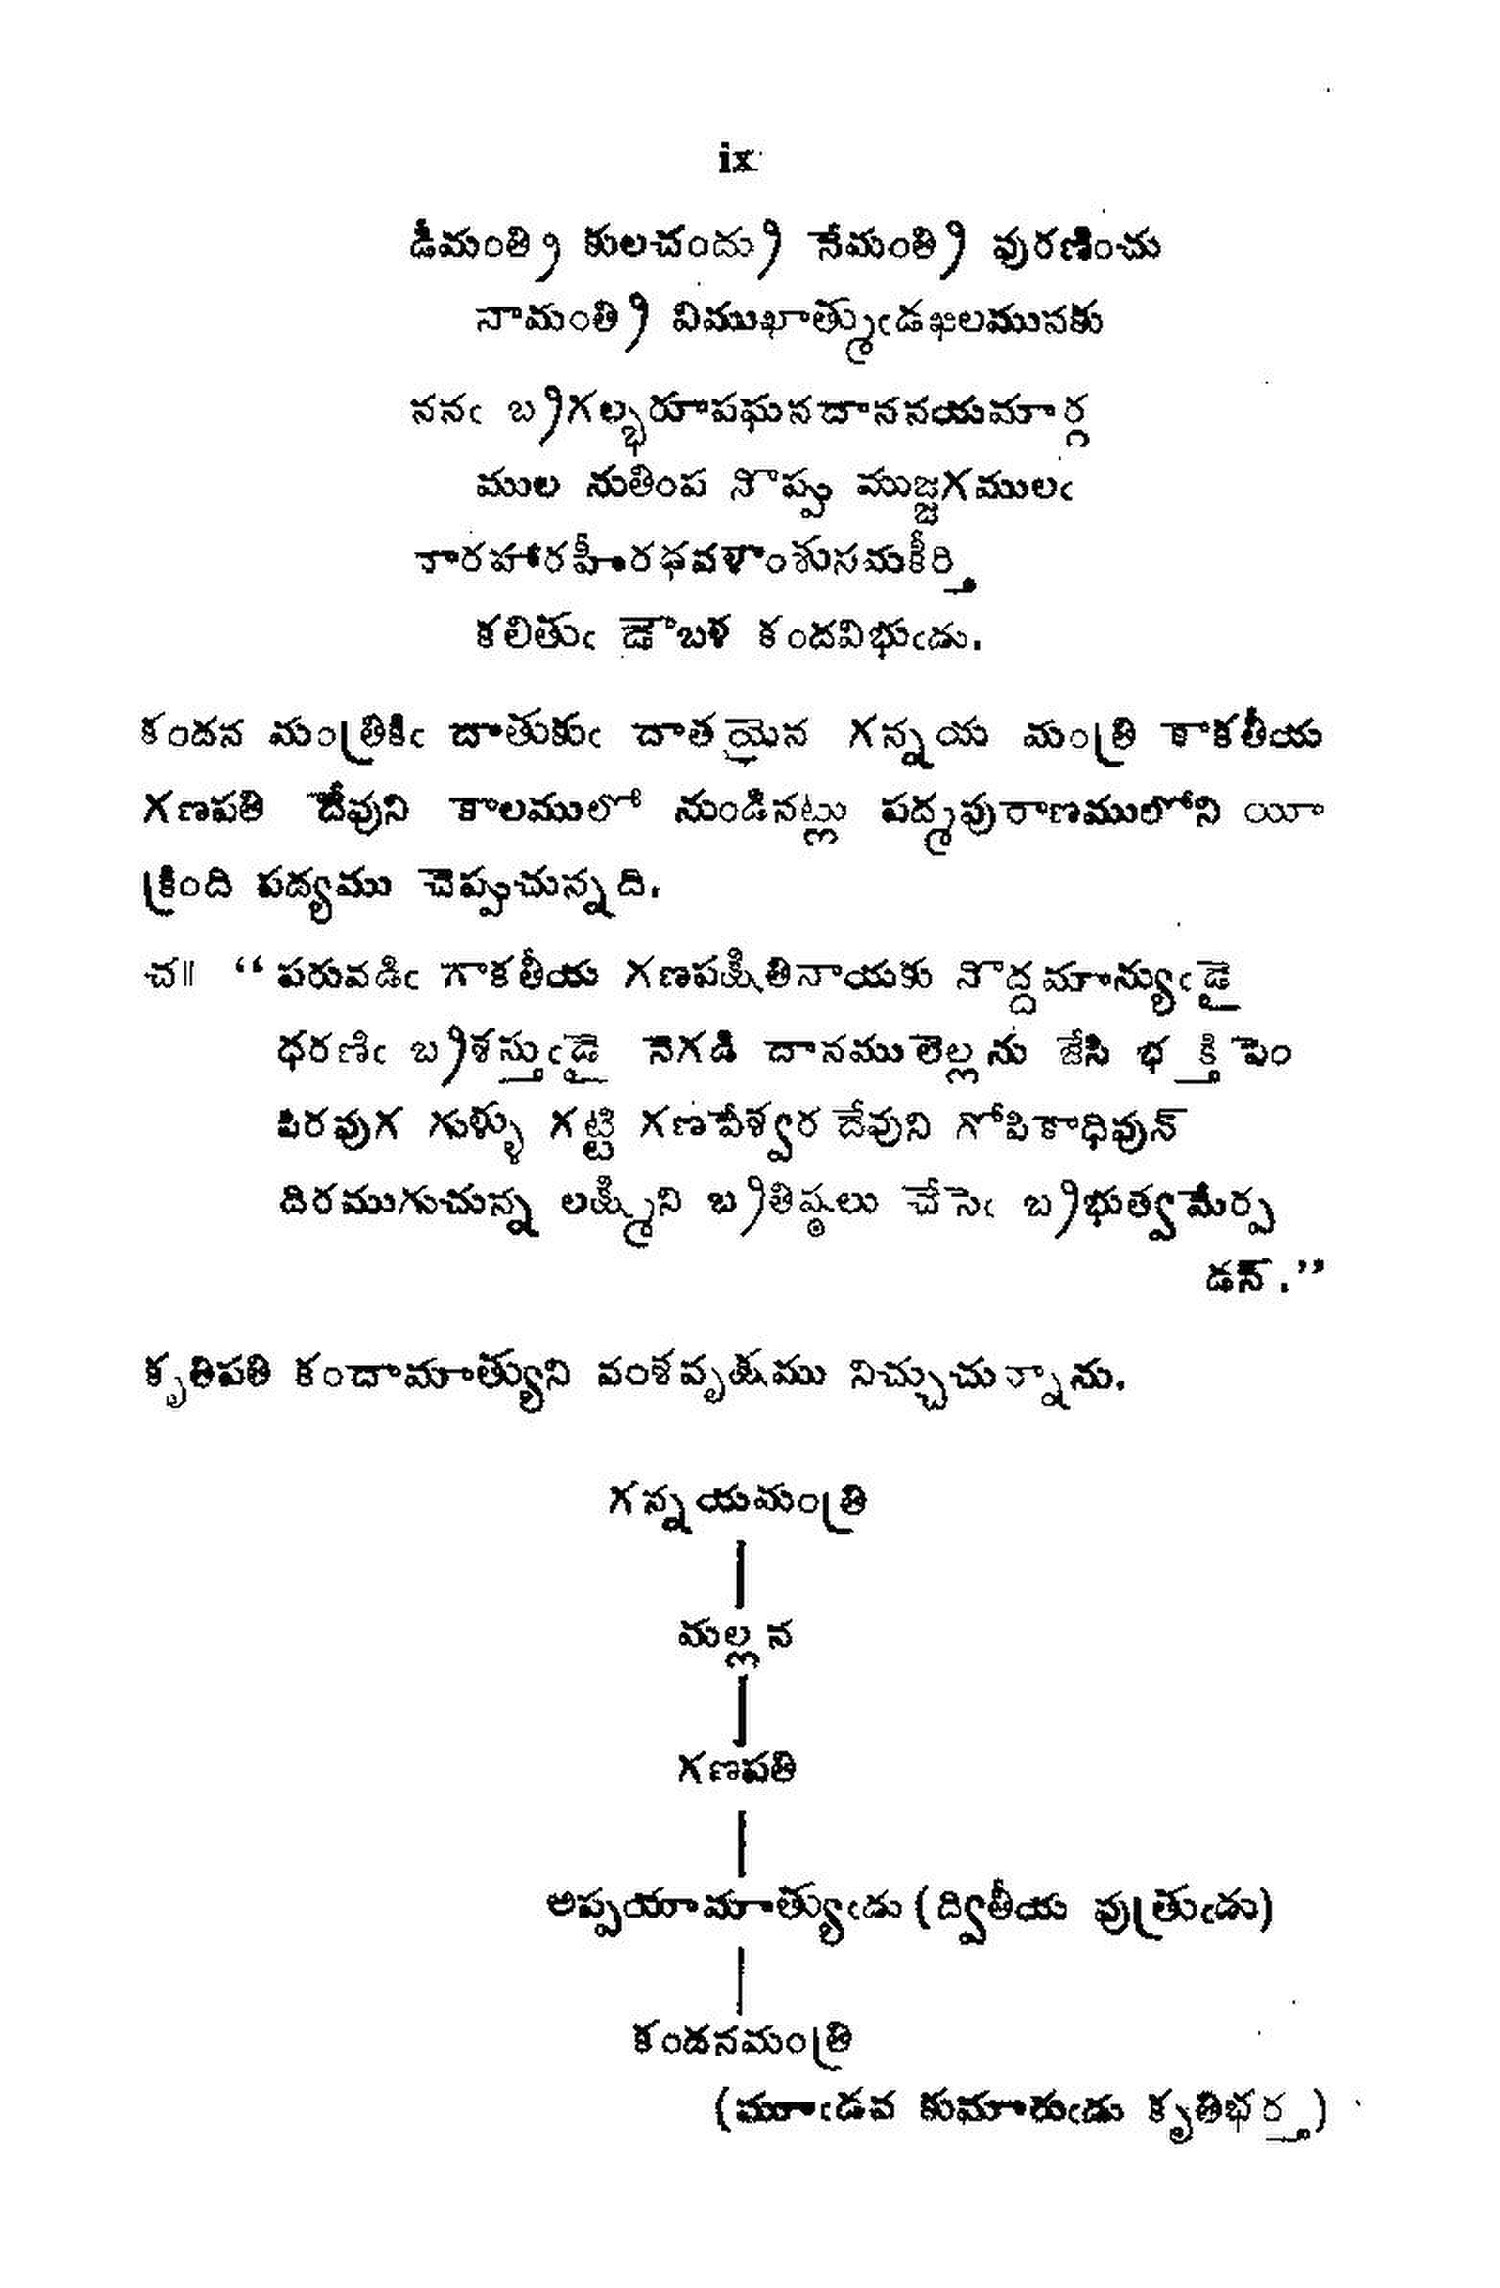డీమంత్రి కులచంద్రు నేమంత్రి వురణించు
 నామంత్రి విముఖాత్ముఁడఖిలమునకు
ననఁ బ్రగల్భరూపఘనదాననయమార్గ
 ముల నుతింప నొప్పు ముజ్జగములఁ
దారహారహీరధవళాంశుసమకీర్తి
 కలితుఁ డౌబళ కందవిభుఁడు. 

కందన మంత్రికిఁ దాతుకుఁ దాతయైన గన్నయ మంత్రి కాకతీయ గణపతిదేవుని కాలములో నుండినట్లు పద్మపురాణములోని యీక్రింది పద్యము చెప్పుచున్నది. 

చ॥ “పరువడిఁ గాకతీయ గణపతి నాయకు నొద్ద మాన్యుఁడై
 ధరణిఁ బ్రశస్తుఁడై నెగడి దానములెల్లను జేసి భక్తి పెం
 పిరవుగ గుళ్ళు గట్టి గణపేశ్వర దేవుని గోపికాధిపున్
 దిరమగుచున్న లక్ష్మిని బ్రతిష్ఠలు చేసెఁ బ్రభుత్వమేర్పడన్”. 

కృతిపతి కందామాత్యుని వంశవృక్షము నిచ్చుచున్నాను.